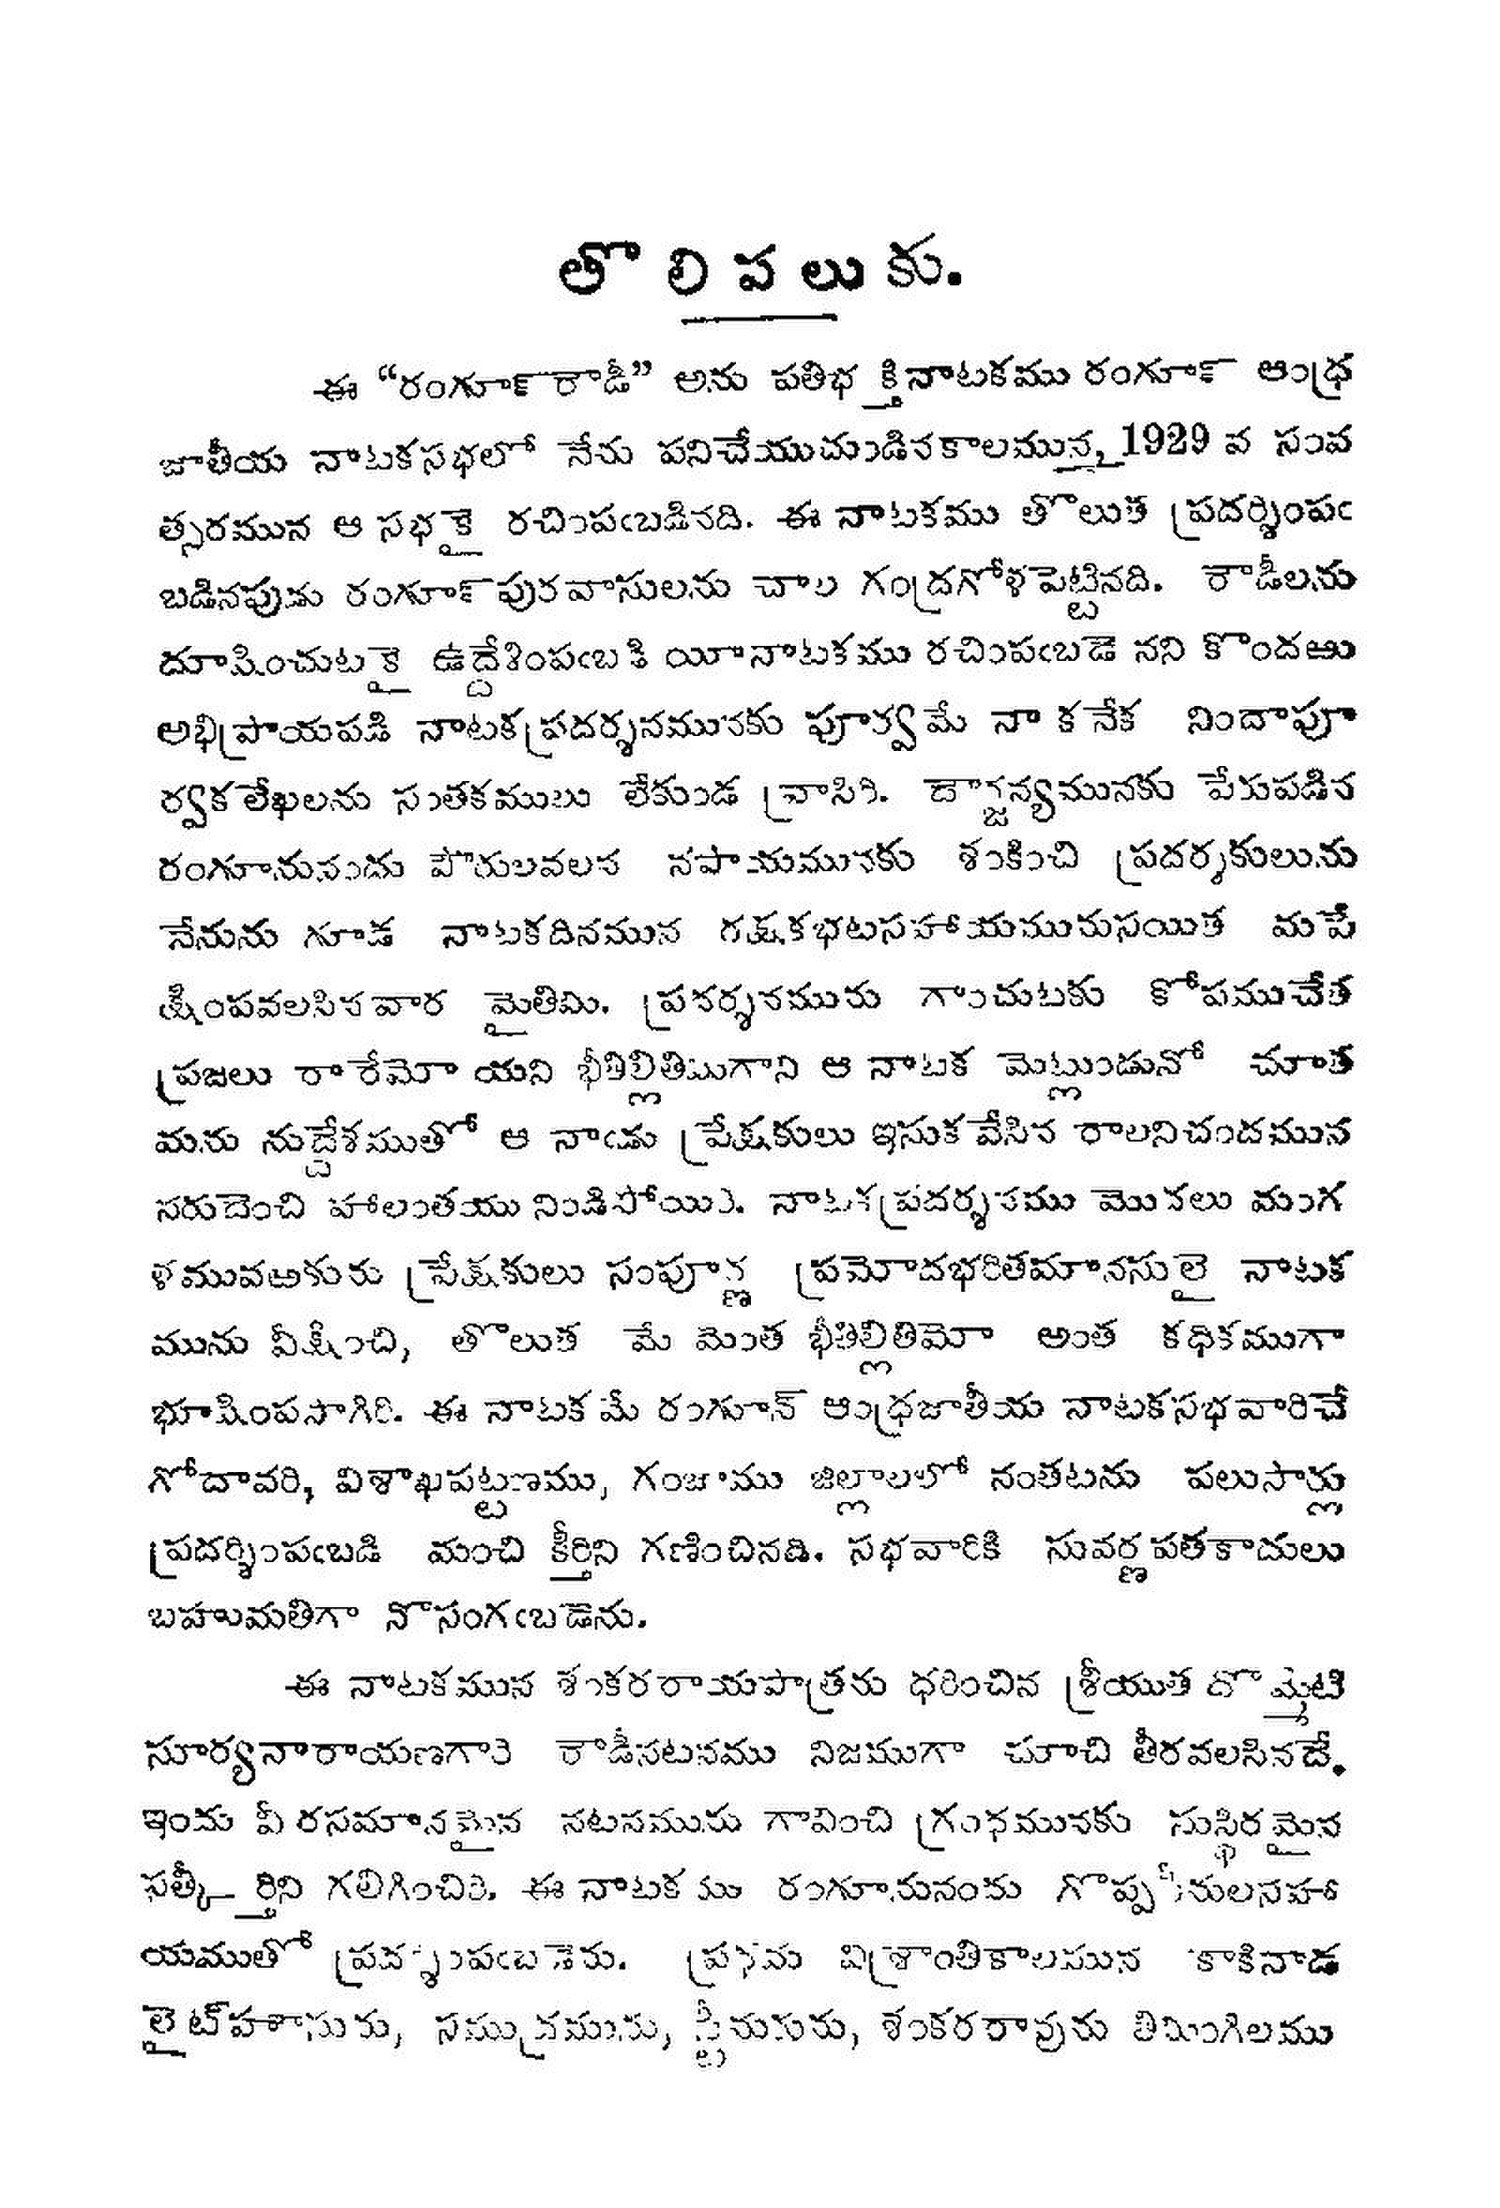తొలిపలుకు.

ఈ “రంగూన్‌రౌడీ” అను పతిభక్తినాటకము రంగూన్ ఆంధ్ర జాతీయ నాటకసభలో నేను పనిచేయుచుండినకాలమున, 1929 వ సంవత్సరమున ఆ సభకై రచింపఁబడినది. ఈ నాటకము తొలుత ప్రదర్శింపఁ బడినపుడు రుగూన్ పురవాసులను చాల గంద్రగోళపెట్టినది. రౌడీలను
దూషించుటకై ఉద్దేశింపఁబడి యీనాటకము రచింపఁబడె నని కొందఱు అభిప్రాయపడి నాటక ప్రదర్శనమునకు పూర్వమే నా కనేక నిందాపూర్వకలేఖలను సంతకములు లేకుండ వ్రాసిరి. దౌర్జన్యమునకు పేరుపడిన రంగూనునందు పౌరులవలన నపాయమునకు శంకించి ప్రదర్శకులును
నేనును గూడ నాటకదినమున రక్షకభటసహాయమునుసయిత మపేక్షింపవలసినవార మైతిమి. ప్రదర్శనమును గాంచుటకు కోపముచేత ప్రజలు రారేమో యని భీతిల్లితిమిగాని ఆ నాటక మెట్లుండునో చూతమను నుద్దేశముతో ఆ నాఁడు ప్రేక్షకులు ఇసుకవేసిన రాలనిచందమున నరుదెంచి హాలంతయు నిండిపోయిరి. నాటకప్రదర్శము మొదలు మంగళమువఱకును ప్రేక్షకులు సంపూర్ణ ప్రమోదభరితమానసులై నాటకమును వీక్షించి, తొలుత మే మంత భీతిల్లితిమో అంత కధికముగా
భూషింపసాగిరి. ఈ నాటకమే రంగూన్ ఆంధ్రజాతీయ నాటకసభవారిచే గోదావరి, విశాఖపట్టణము, గంజాము జిల్లాలలో నంతటను పలుసార్లు ప్రదర్శింపఁబడి మంచి కీర్తిని గణించినది. సభవారికి సువర్ణపతకాదులు బహుమతిగా నొసంగఁబడెను.

ఈ నాటకమున శంకరరాయపాత్రను ధరించిన శ్రీయుత దొమ్మేటి సూర్యనారాయణగారి రౌడీనటనము నిజముగా చూచి తీరవలసినదే. ఇందు వీరసమానమైన నటనమును గావించి గ్రుధమునకు సుస్థిరమైన సత్కీర్తిని గలిగించిరి. ఈ నాటకము రంగూనునందు గొప్పసీనుల నహాయముతో ప్రదర్శింపఁబడెను. ప్రధమ విశ్రాంతికాలమున కాకినాడ లైట్‌హౌసును, సముద్రమును, స్టీమరును, శంకరరావును తిమింగలము